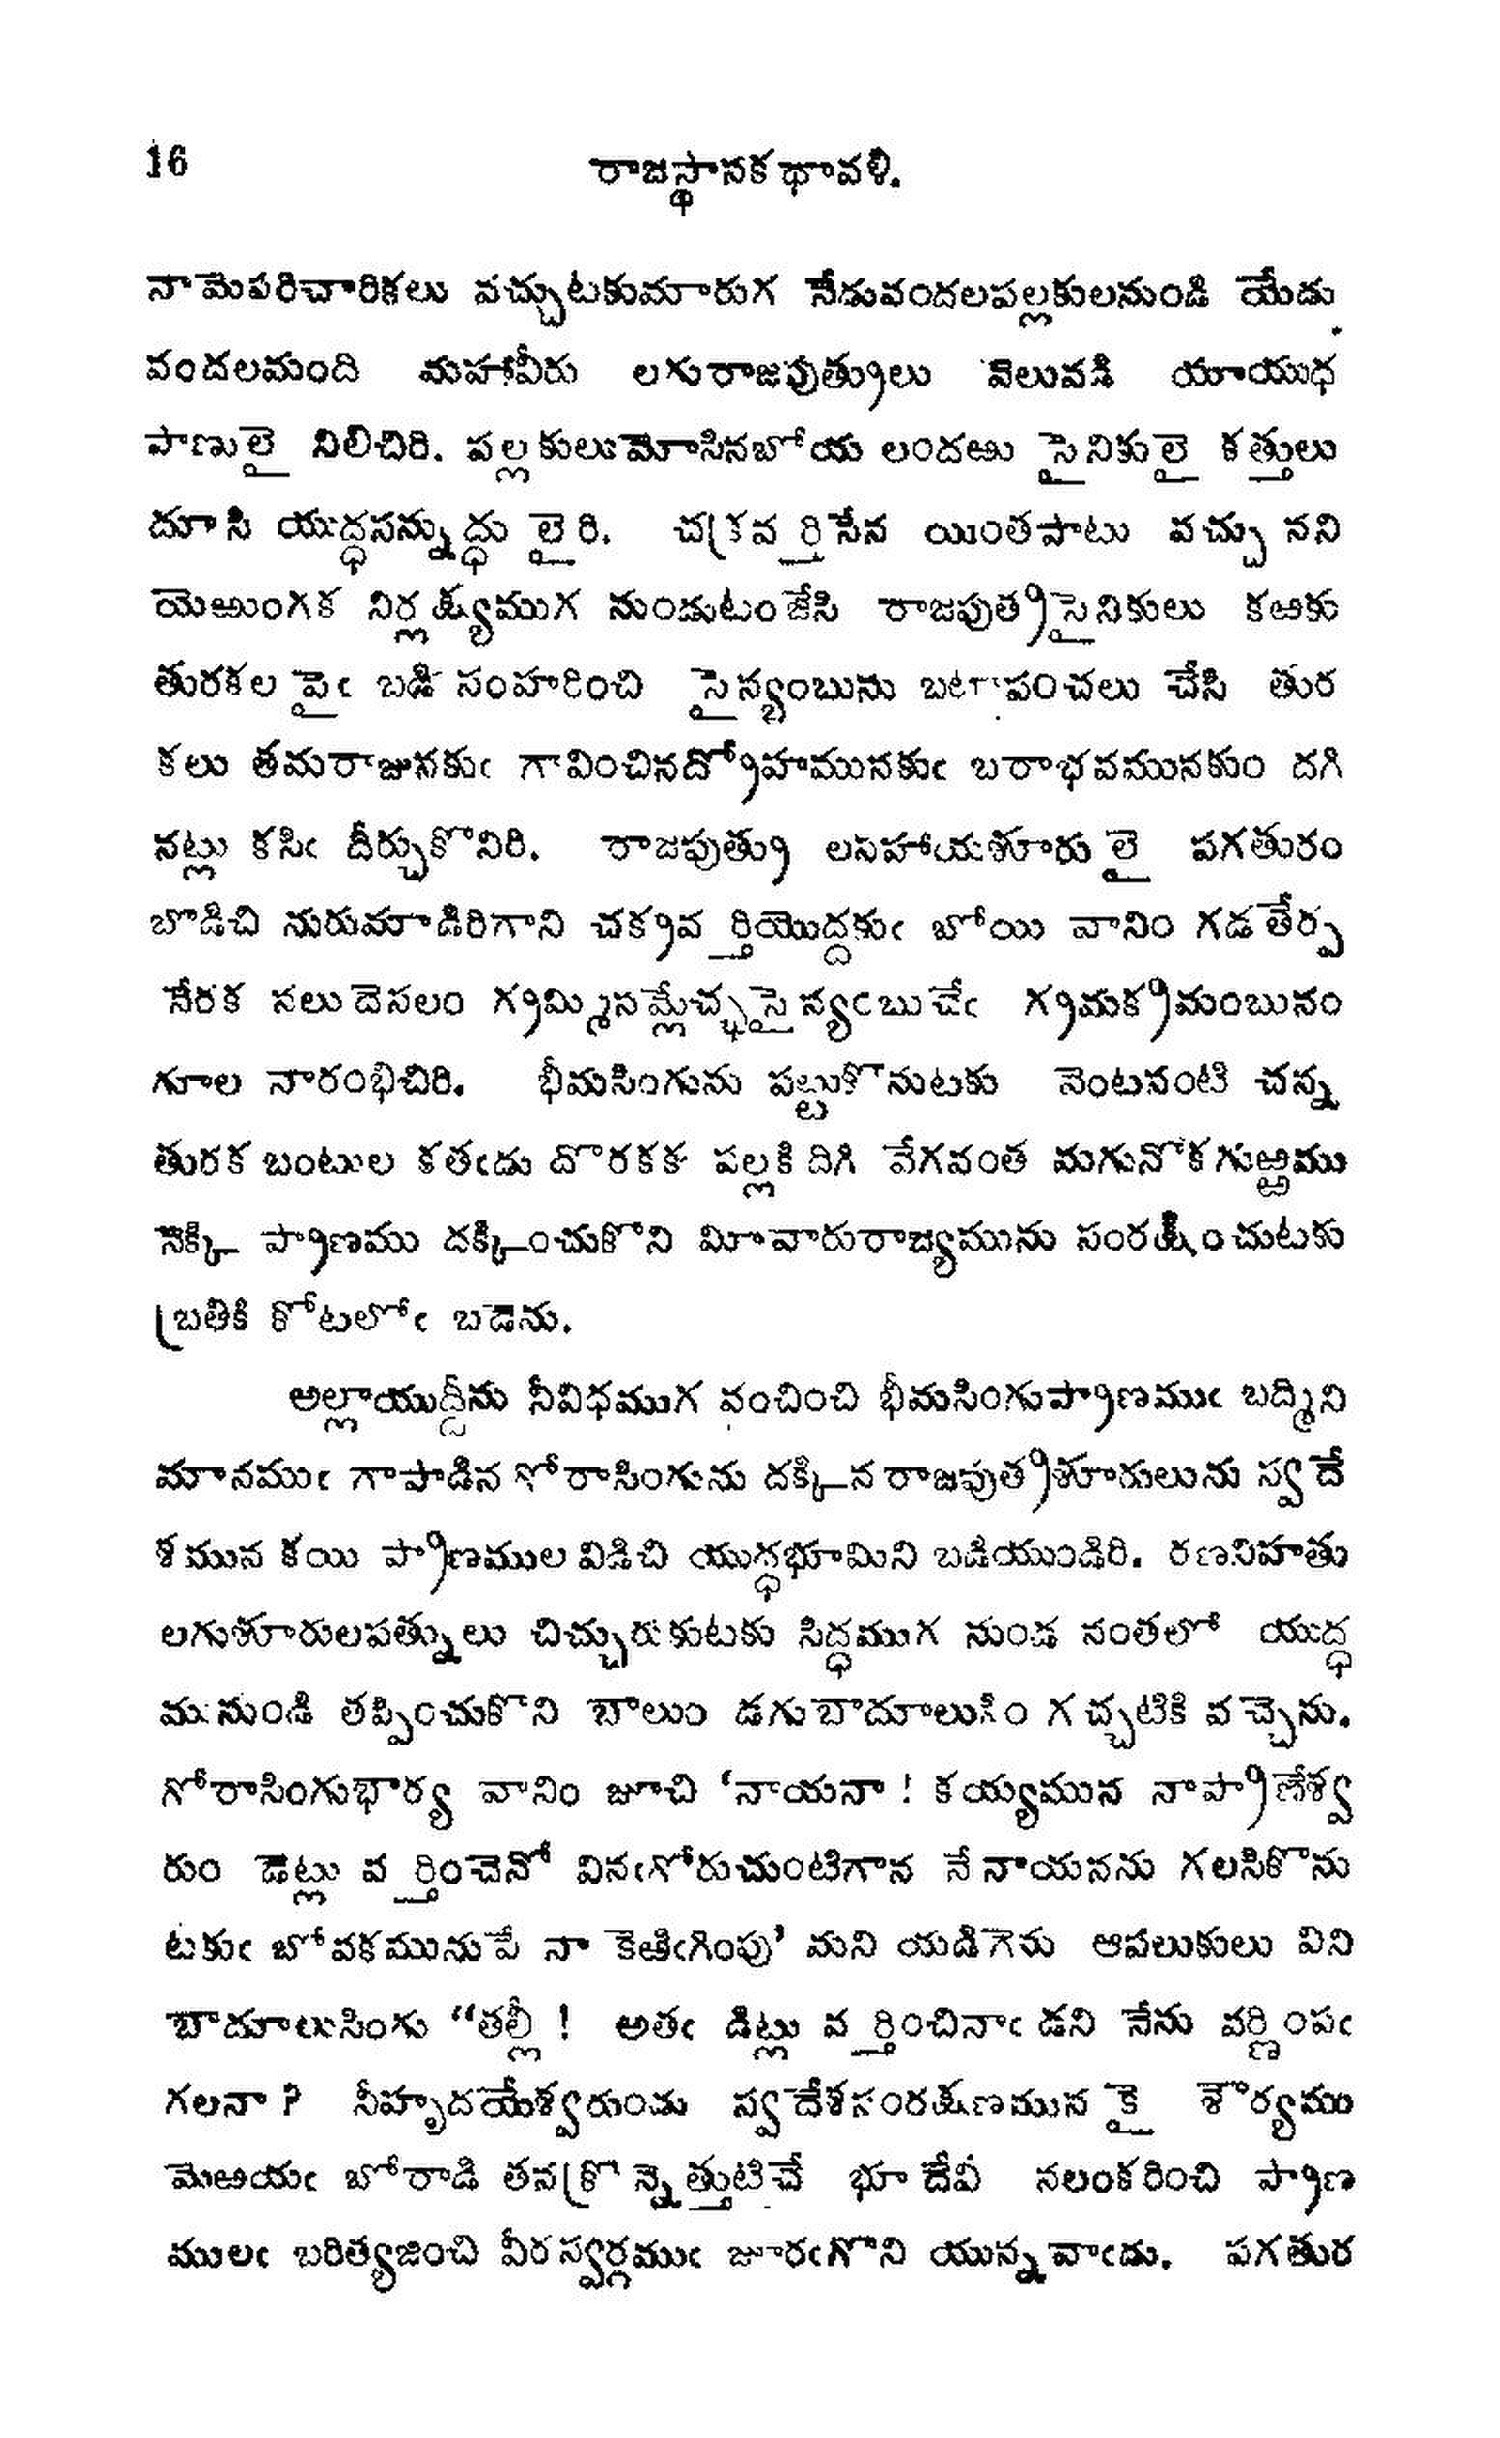నామెపరిచారికలు వచ్చుటకుమారుగ నేడువందలపల్లకులనుండి యేడు వందలమంది మహావీరు 
లగురాజపుతులు వెలువడి యాయుధ పాణులై నిలిచిరి. పల్లకులు మోసినబోయ లందఱు సైనికులై కత్తులు
యుద్ధసన్నుద్దులైరి. చక్రవర్తిసేన యింతపాటు వచ్చునని యెఱుంగక నిర్లక్ష్యముగ నుండుటం జేసి రాజపుత్ర సైనికులు కఱకు తురకలపైఁ బడి సంహరించి సైన్యంబును బటాపంచలు చేసి తురకలు తమ రాజునకుఁ గావించినద్రోహమునకుఁ బరాభవమునకుం దగినట్లు కసిఁ దీర్చుకొనిరి. రాజపుత్రు లసహాయశూరు లై పగతురం బొడిచి నురుమాడిరిగాని చక్రవర్తియొద్దకుఁ బోయి వానిం గడతేర్ప నేరక నలుదెసలం గమ్మిన మ్లేచ్ఛసైన్యంబుచేఁ గ్రమక్రమంబునంగూల నారంభించిరి. భీమసింగును పట్టుకొనుటకు వెంటనంటి చన్న తురక బంటుల కతఁడు దొరకక పల్లకి దిగి వేగనంత మగునోక గుఱ్ఱము నొక్కి ప్రాణము దక్కించుకొని మీవారు రాజ్యమును 
సంరక్షించుటకు బ్రతికి కోటలోఁ బడెను.

అల్లాయుద్దీను నీవిధముగ వంచించి భీమసింగు ప్రాణముఁ బద్మినిమానముఁ గాపాడిన గోరాసింగును దక్కిన రాజవుత్రశూరులును స్వదేశమున కయి ప్రాణముల విడిచి యుద్ధభూమిని బడియుండిరి. రణనిహతులగు శూరులపత్నులు చిచ్చురుకుటకు సిద్ధముగ నుండ సంతలో యుద్ధము నుండి తప్పించుకొని బాలుం డగు బాదూలుం గచ్చటికి వచ్చెను. గోరాసింగుభార్య వానిం జూచి 'నాయనా ! కయ్యమున నాప్రాణేశ్వరుం డెట్లు వర్తించెనో విన(గోరుచుంటిగాన నే నాయనను గలసికొనుటకుఁ బోవక మునుపే నా కెఱిఁగింపు' మని యడిగెను ఆపలుకులు విని బాదూలుసింగు “తల్లీ ! అతఁ డిట్లు వర్తించినాఁ డని నేను వర్ణింపఁ గలనా ? నీహృదయేశ్వరుంచు స్వదేశ సంరక్షణమునకై శౌర్యము మెఱయఁ బోరాడి తన క్రొన్నెత్తుటిచే భూ దేవీ నలంకరించి ప్రాణములఁ బరిత్యజించి వీరస్వర్గముఁ జూరఁగొని యున్నవాఁడు. పగతుర